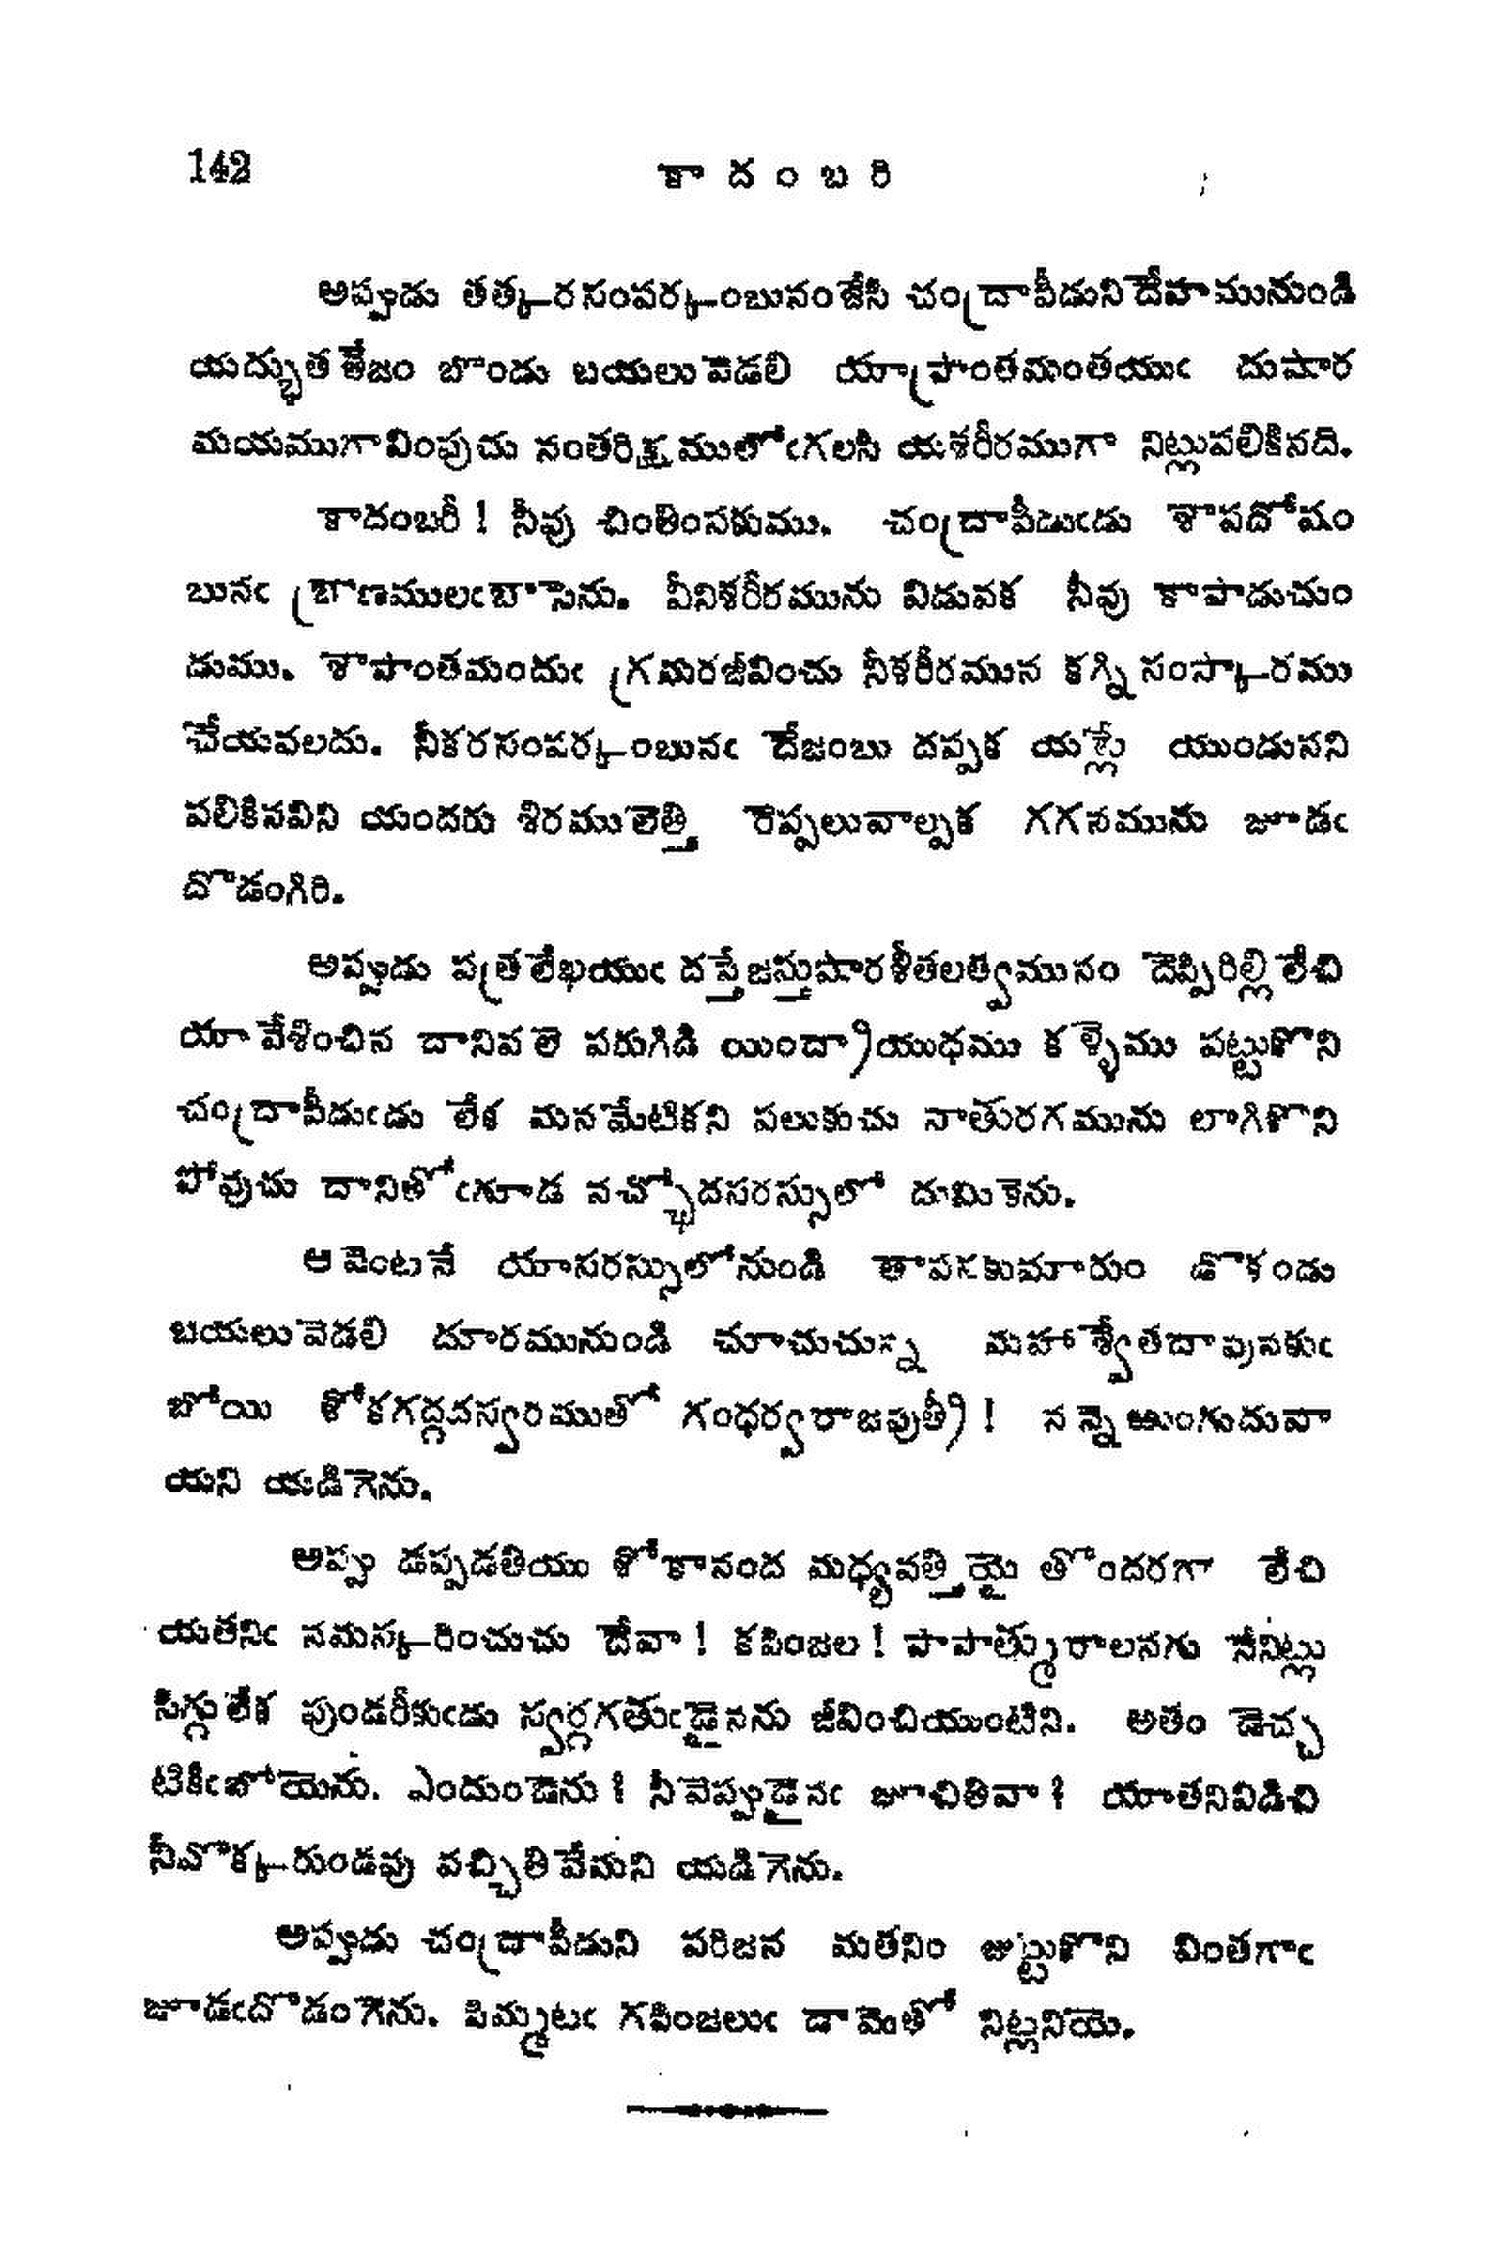అప్పుడు తత్కరసంపర్కంబునంజేసి చంద్రాపీడునిదేహమునుండి యద్భుతతేజం బొండు బయలువెడలి యాప్రాంతమంతయుఁ దుషార మయముగావింపుచు నంతరిక్షములోఁగలసి యశరీరముగా నిట్లుపలికినది.

కాదంబరీ! నీవు చింతింపకుము. చంద్రాపీడుఁడు శాపదోషంబునఁ బ్రాణములఁబాసెను. వీనిశరీరమును విడువక నీవు కాపాడుచుండుము. శాపాంతమందుఁ గ్రమరజీవించు నీశరీరమున కగ్నిసంస్కారము చేయవలదు. నీకరసంపర్కంబునఁ దేజంబు దప్పక యట్లే యుండునని పలికినవిని యందరు శిరములెత్తి రెప్పలువాల్పక గగనమును జూడఁ దొడంగిరి.

అప్పుడు పత్రలేఖయుఁ దస్తేజస్తుషారాశీతలత్వమునం దెప్పిరిల్లిలేచి యావేశించిన దానివలె పరుగిడి యింద్రాయుధము కళ్ళెము పట్టుకొని చంద్రాపీడుఁడు లేక మనమేటికని పలుకుచు నాతురగమును లాగికొని పోవుచు దానితోఁగూడ నచ్ఛోదసరస్సులో దుమికెను.

ఆవెంటనే యాసరస్సులోనుండి తాపసకుమారుం డొకండు బయలువెడలి దూరమునుండి చూచుచున్న మహాశ్వేతదాపునకుఁ బోయి శోకగద్గదస్వరముతో గంధర్వరాజపుత్రీ! నన్నెఱుంగుదువా యని యడిగెను.

అప్పు డప్పడతియు శోకానంద మధ్యవత్తియై తొందరగా లేచి యతనిఁ నమస్కరించుచు దేవా! కపింజల! పాపాత్మురాలనగు నేనిట్లు సిగ్గులేక పుండరీకుఁడు స్వర్గగతుఁడైనను జీవించియుంటిని. అతం డెచ్చటికిఁబోయెను. ఎందుండెను? నీవెప్పుడైనఁ జూచితివా? యాతనివిడిచి నీవొక్కరుండవు వచ్చితివేమని యడిగెను.

అప్పుడు చంద్రాపీడుని పరిజన మతనిం జుట్టుకొని వింతగాఁ జూడఁదొడంగెను. పిమ్మటఁ గపింజలుఁ డామెతో నిట్లనియె.